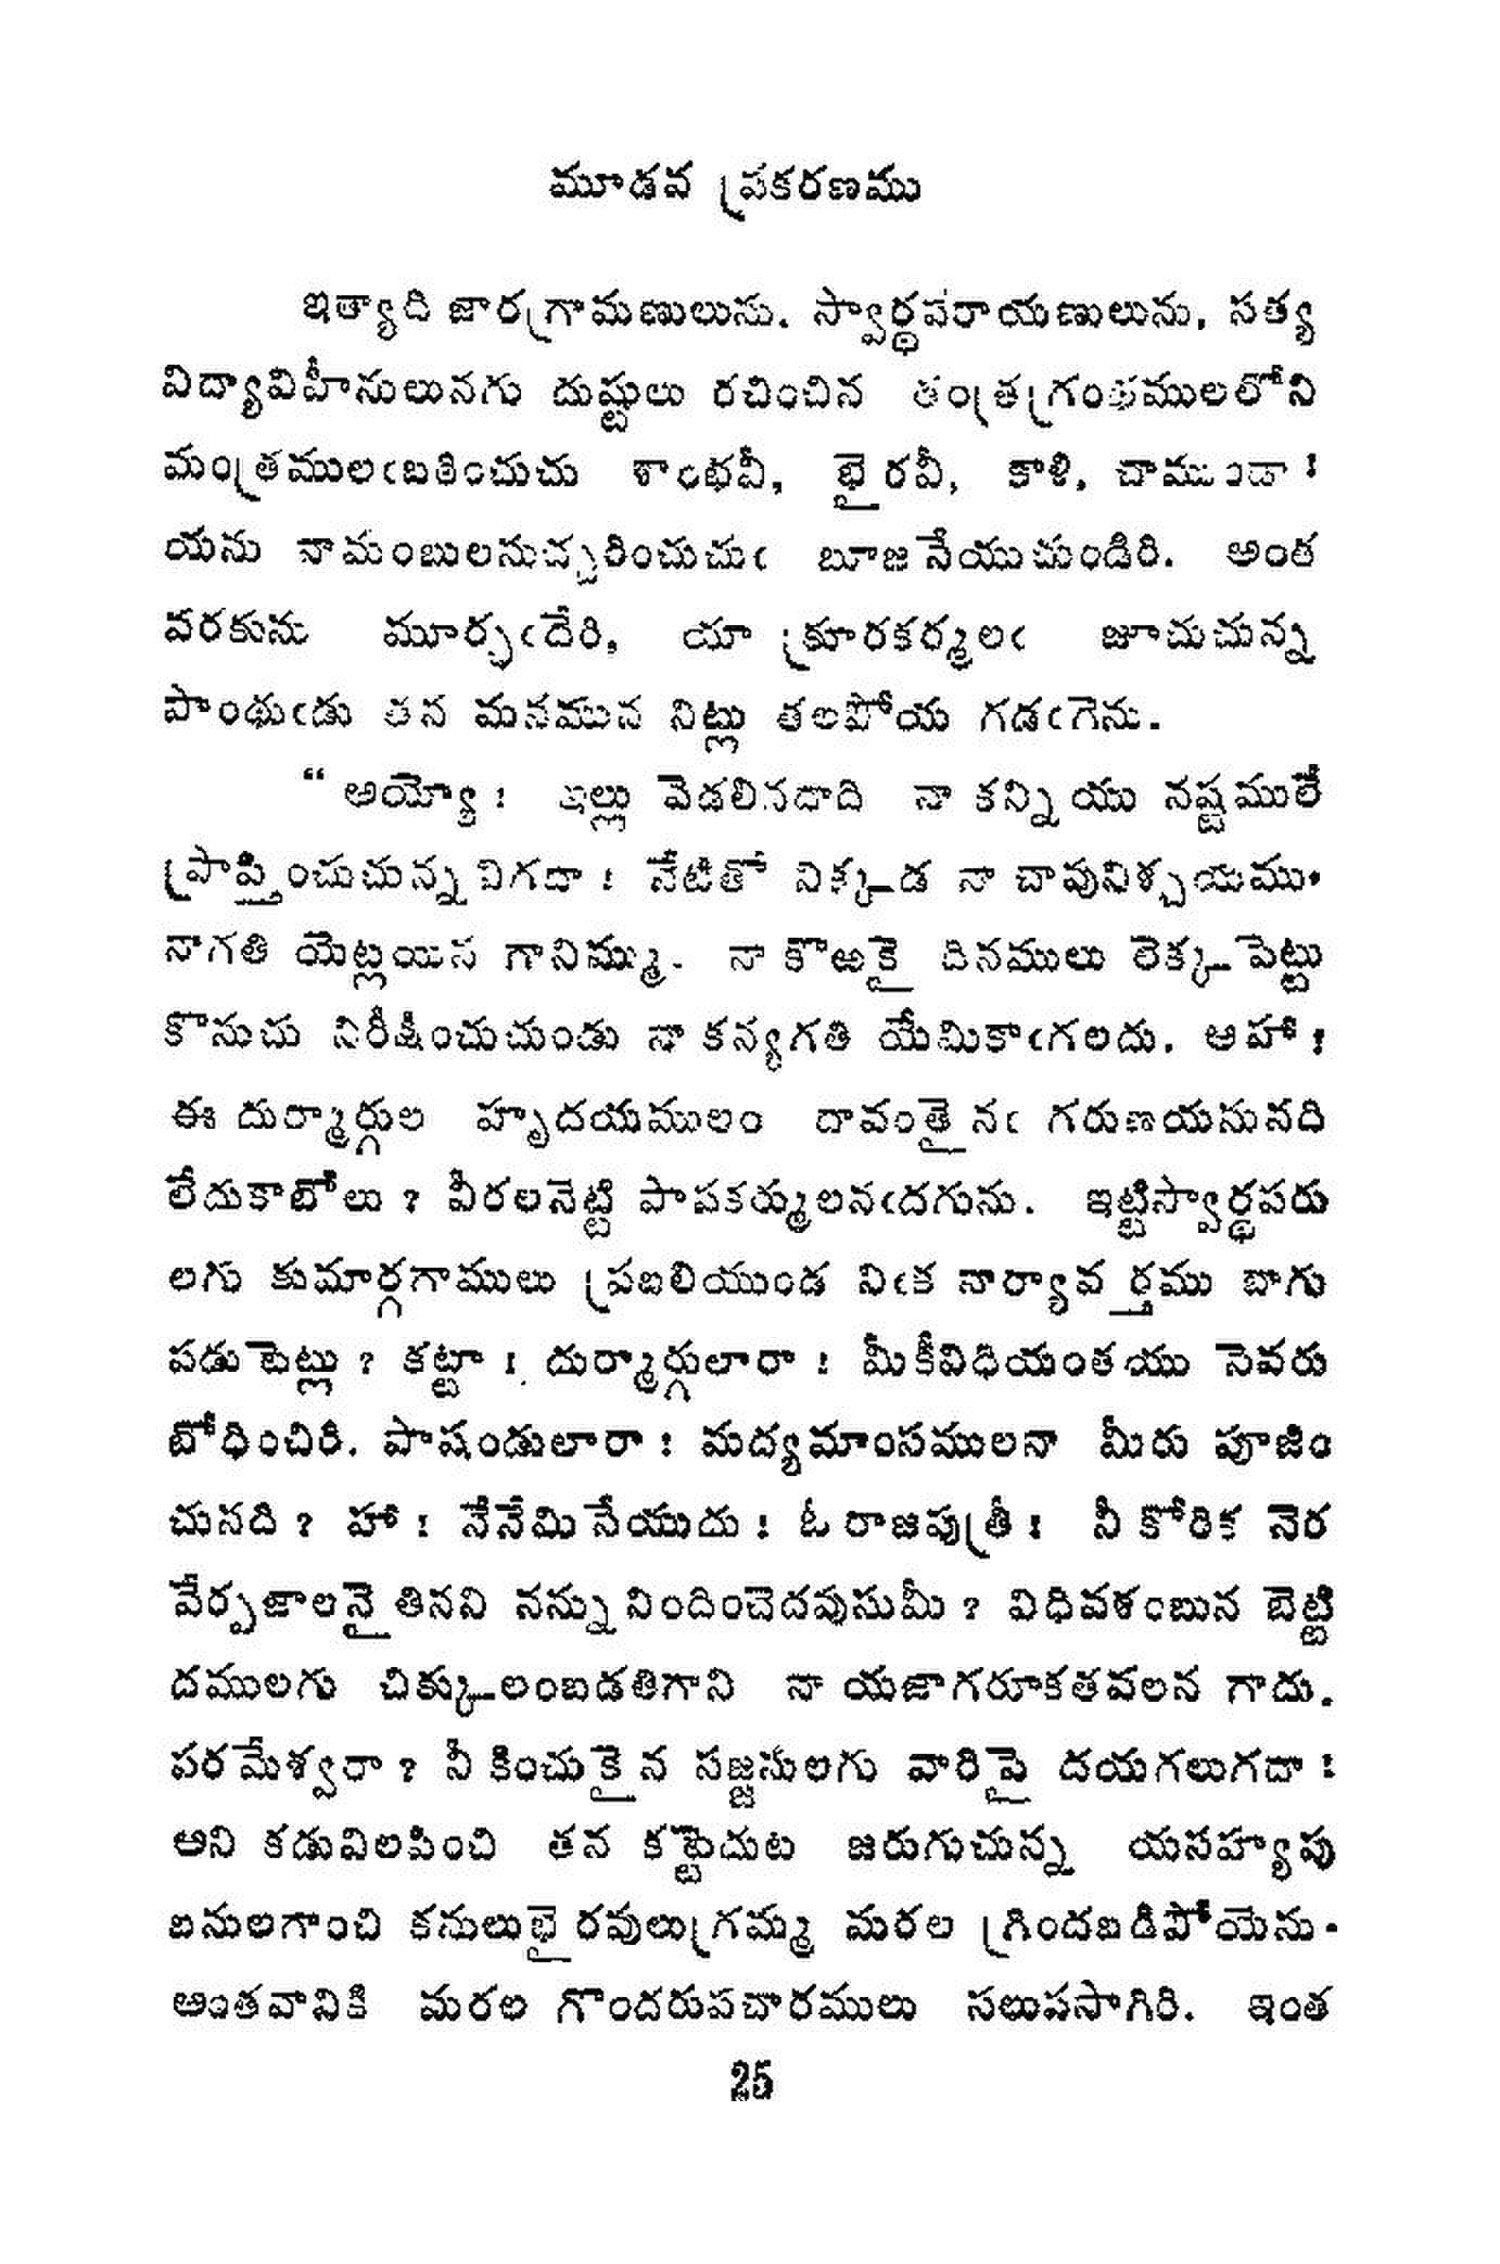ఇత్యాది జారగ్రామణులుసు. స్వార్ధపరాయణులును, సత్య విద్యావిహీనులునగు దుష్టులు రచించిన తంత్ర గ్రంధములలోని మంత్రములఁబఠించుచు శాంభవీ, భైరవీ, కాళి, చాముండా ! యను నామంబులనుచ్చరించుచుఁ బూజసేయుచుండిరి. అంతవరకును మూర్ఛఁదేరి యా క్రూరకర్మలఁ జూచుచున్న పాంథుఁడు తన మనమున నిట్లు తలపోయ గడఁగెను.

"అయ్యో ! ఇల్లు వెడలినదాది నా కన్నియు నష్టములే ప్రాప్తించుచున్న విగదా ! నేటితో నిక్కడ నా చావునిశ్చయము. నాగతి యెట్లయిన గానిమ్ము. నా కొఱకై దినములు లెక్క పెట్టుకొనుచు నిరీక్షించుచుండు నా కన్యగతి యేమికాఁగలదు. ఆహా ! ఈ దుర్మార్గుల హృదయములం దావంతైనఁ గరుణయనునది లేదుకాబోలు? వీరలనెట్టి పాపకర్ములనఁదగును. ఇట్టిస్వార్థపరులగు కుమార్గగాములు ప్రబలియుండ నిఁక నార్యావర్తము బాగుపడుటెట్లు ? కట్టా ! దుర్మార్గులారా ! మీకీవిధియంతయు నెవరు బోధించిరి. పాషండులారా ! మద్యమాంసములనా మీరు పూజించునది ? హా ! నేనేమి సేయుదు : ఓ రాజపుత్రీ! నీ కోరిక నెరవేర్పజాలనై తినని నన్ను నిందించెదవుసుమీ ? విధివశంబున బెట్టిదములగు చిక్కులంబడతిగాని నా యజాగరూకతవలన గాదు. పరమేశ్వరా ! నీ కించుకైన సజ్జనులగు వారిపై దయగలుగదా ! అని కడువిలపించి తన కట్టెదుట జరుగుచున్న యసహ్యపు జనులగాంచి కనులు భైరవులుగ్రమ్మ మరల గ్రిందబడిపోయెను. అంతవానికి మరల గొందరుపచారములు సలుపసాగిరి. ఇంత